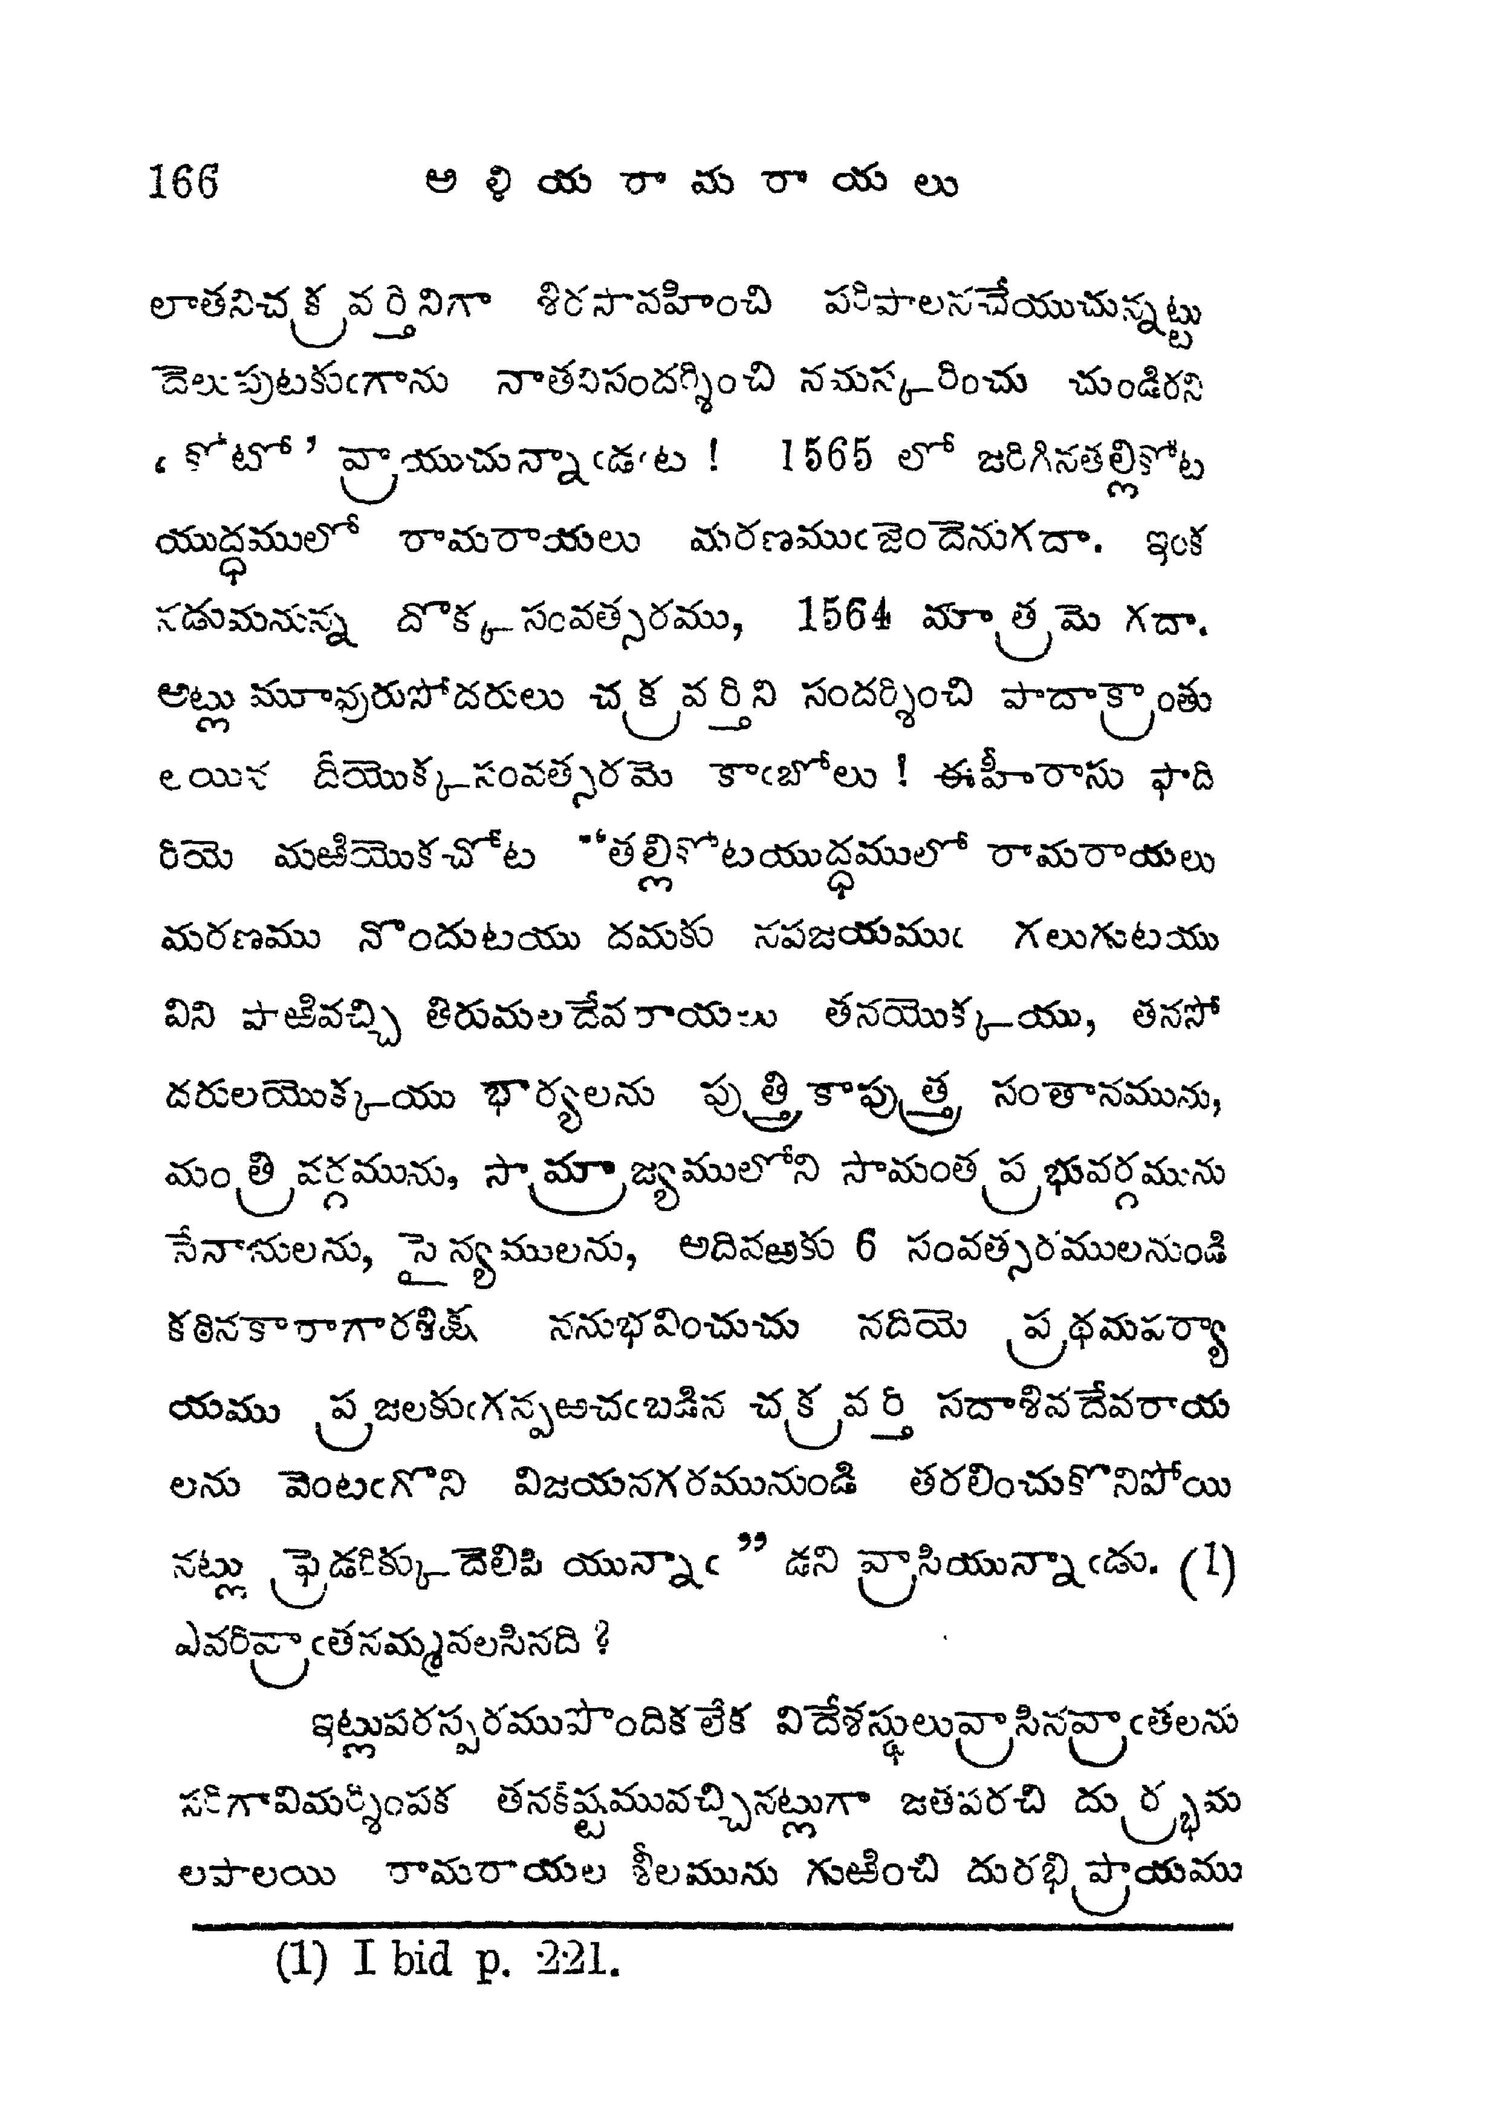లాతనిచక్రవర్తినిగా శిరసావహించి పరిపాలనచేయుచున్నట్టు దెలుపుటకుగాను నాతనిసందర్శించి నమస్కరించు చుండిరని 'కోటో' వ్రాయుచున్నాడట ! 1565 లో జరిగినతల్లికోట యుద్ధములో రామరాయలు మరణముజెందెనుగదా. ఇంక నడుమనున్న దొక్కసంవత్సరము, 1564 మాత్రమె గదా. అట్లు మూవురుసోదరులు చక్రవర్తిని సందర్శించి పాదాక్రాంతులయిన దీయొక్కసంవత్సరమె కాబోలు ! ఈహీరాసు ఫాదిరియె మఱియొకచోట "తల్లికోటయుద్ధములో రామరాయలు మరణము నొందుటయు దమకు నపజయము గలుగుటయు విని పాఱివచ్చి తిరుమలదేవరాయలు తనయొక్కయు, తనసోదరులయొక్కయు భార్యలను పుత్త్రికాపుత్త్ర సంతానమును, మంత్రివర్గమును, సామ్రాజ్యములోని సామంతప్రభువర్గమును సేనానులను, సైన్యములను, అదివఱకు 6 సంవత్సరములనుండి కఠినకారాగారశిక్ష ననుభవించుచు నదియె ప్రథమపర్యాయము ప్రజలకు గన్పఱచబడిన చక్రవర్తి సదాశివదేవరాయలను వెంటగొని విజయనగరమునుండి తరలించుకొనిపోయినట్లు ఫ్రెడరిక్కు దెలిపి యున్నా"డని వ్రాసియున్నాడు. ఎవరివ్రాతనమ్మవలసినది?

ఇట్లుపరస్పరముపొందికలేక విదేశస్థులువ్రాసినవ్రాతలను సరిగావిమర్శింపక తనకిష్టమువచ్చినట్లుగా జతపరచి దుర్ర్భమలపాలయి రామరాయల శీలమును గుఱించి దురభిప్రాయము